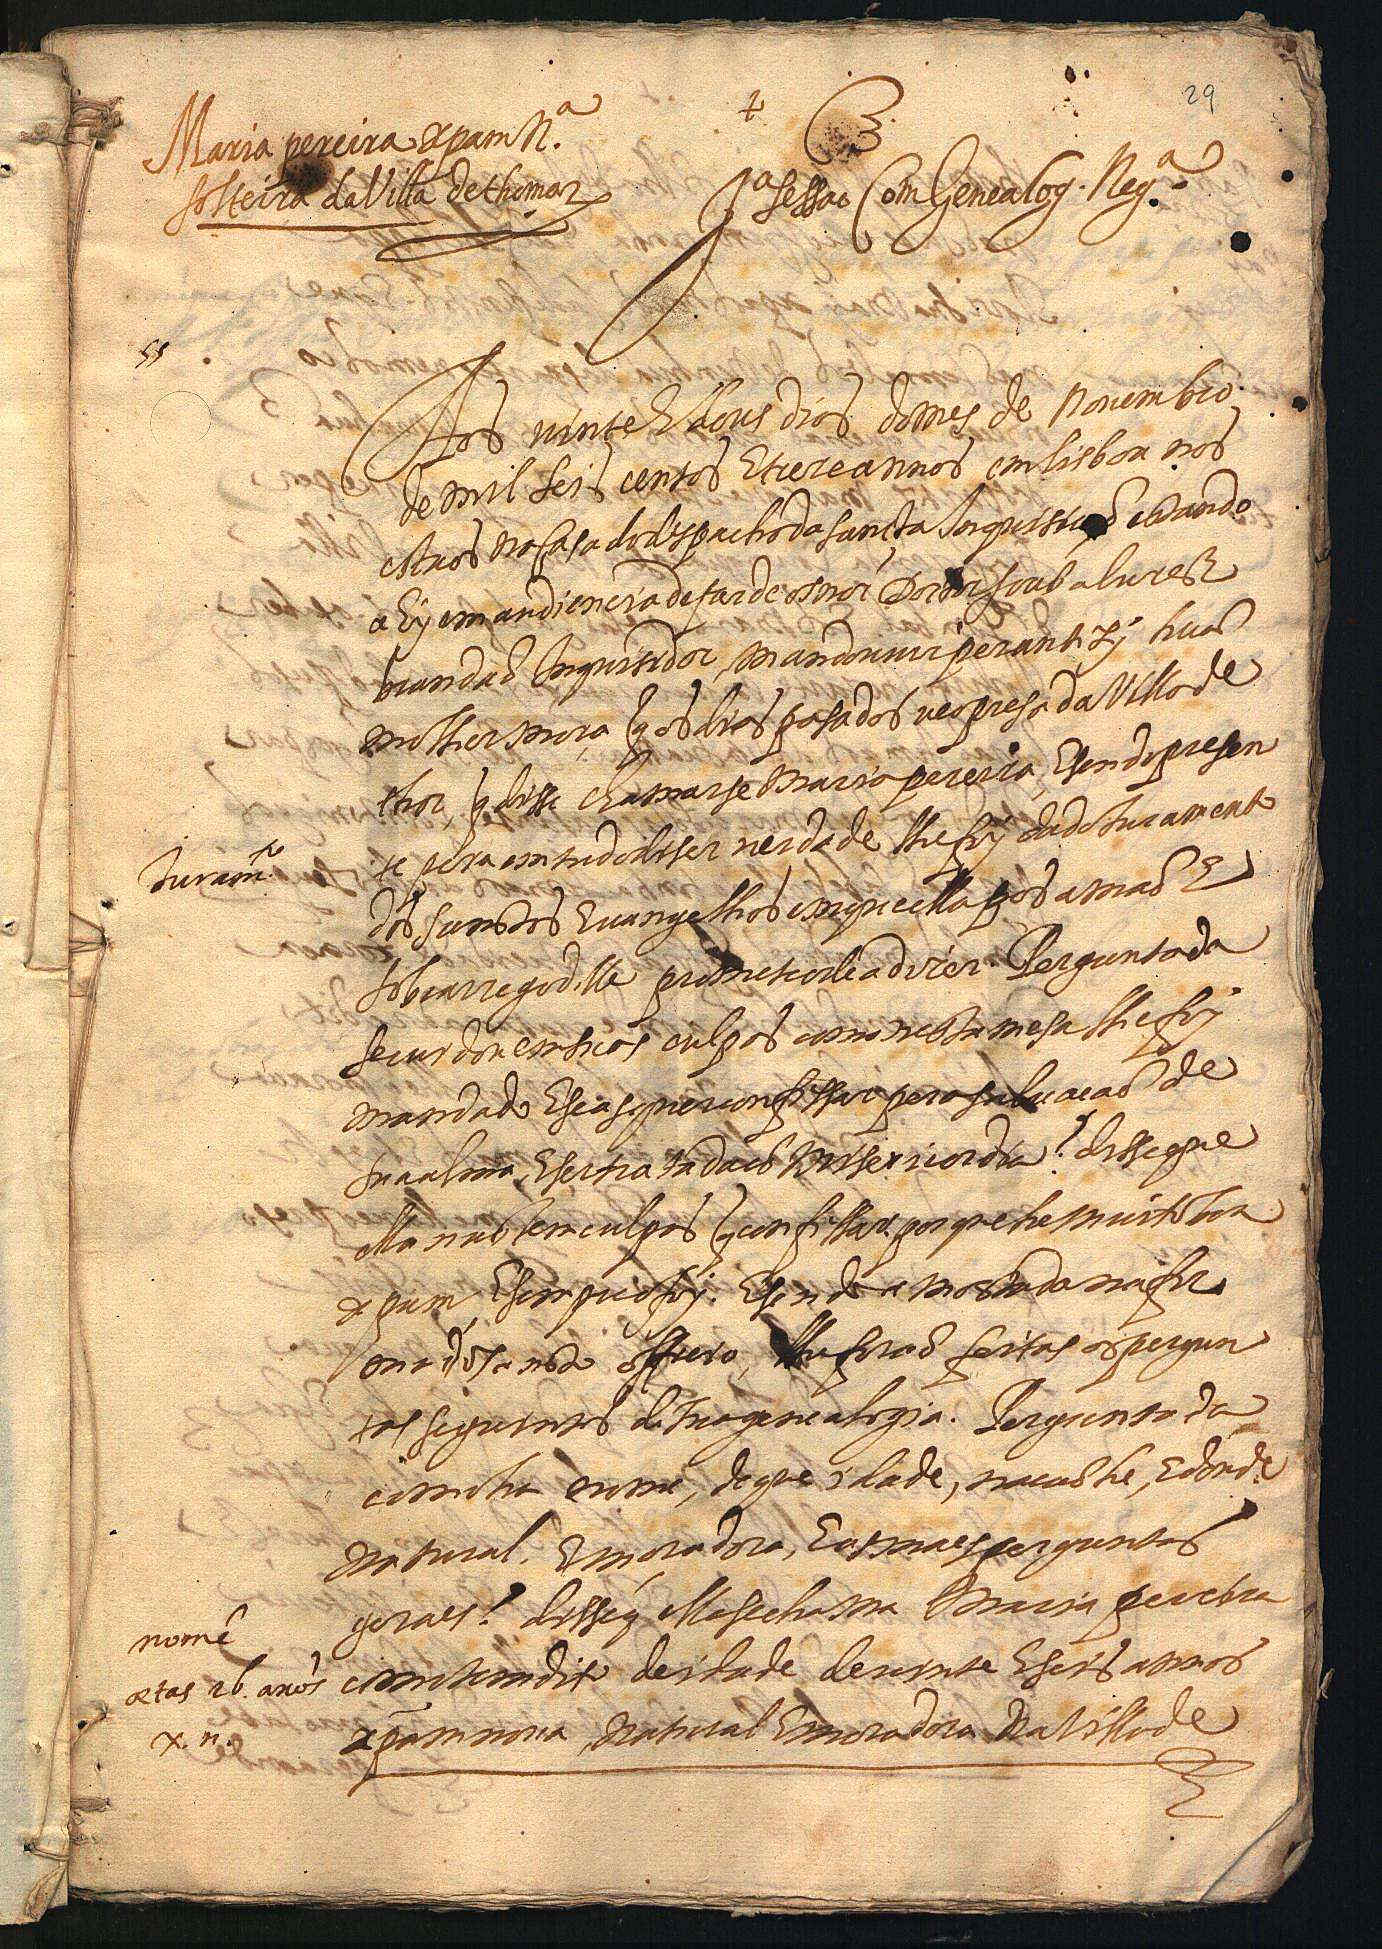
Maria pereira xpam N.a
solteira da Villa de thomar
Ja sessaõ Com Genealog. Neg.a
Aos uinte E dous dias do mes de Nouembro.
de mil seiscentos E treze annos em lisboa nos
estaos na Casa do despacho da Sancta Inquisiç_õ estando
ahy em audiencia de tarde o snor̄ Doutor Joaõ alures
brandaõ Inquisidor, mandou uir perante sy huā
molher moça q̄ os dias pasados ueo presa da Villa de
thor, q̄ disse chamarse Maria pereira, E sendo presen
te pera em tudo diser uerdade lhe foy dado Iuramentto
dos Santos Euangelhos em que ella pos a maõ E
sob carrego delle prometeo de a dizer. Perguntada
se cuidou em suas culpas como nesta mesa lhe foy
mandado e se as quer confessar pera saluaçaõ de
sua alma, E ser tratada cõ misericordia? disse que
ella naõ tem culpas q̄ confissar porque he muito boa
xpam, E sempre o foy. E sendo amoestada na for
ma do santo officio, lhe foraõ feitas as pergun
tas seguintes de sua genealogia. Perguntada
como ha nome, de que idade, nacaõ he, E donde
natural. E moradora, E as maes perguntas
geraes? disse q̄ ella se chama Maria pereira
como tem dito de idade de uinte E seis annos
xpām noua, natural e moradora na Villa de
